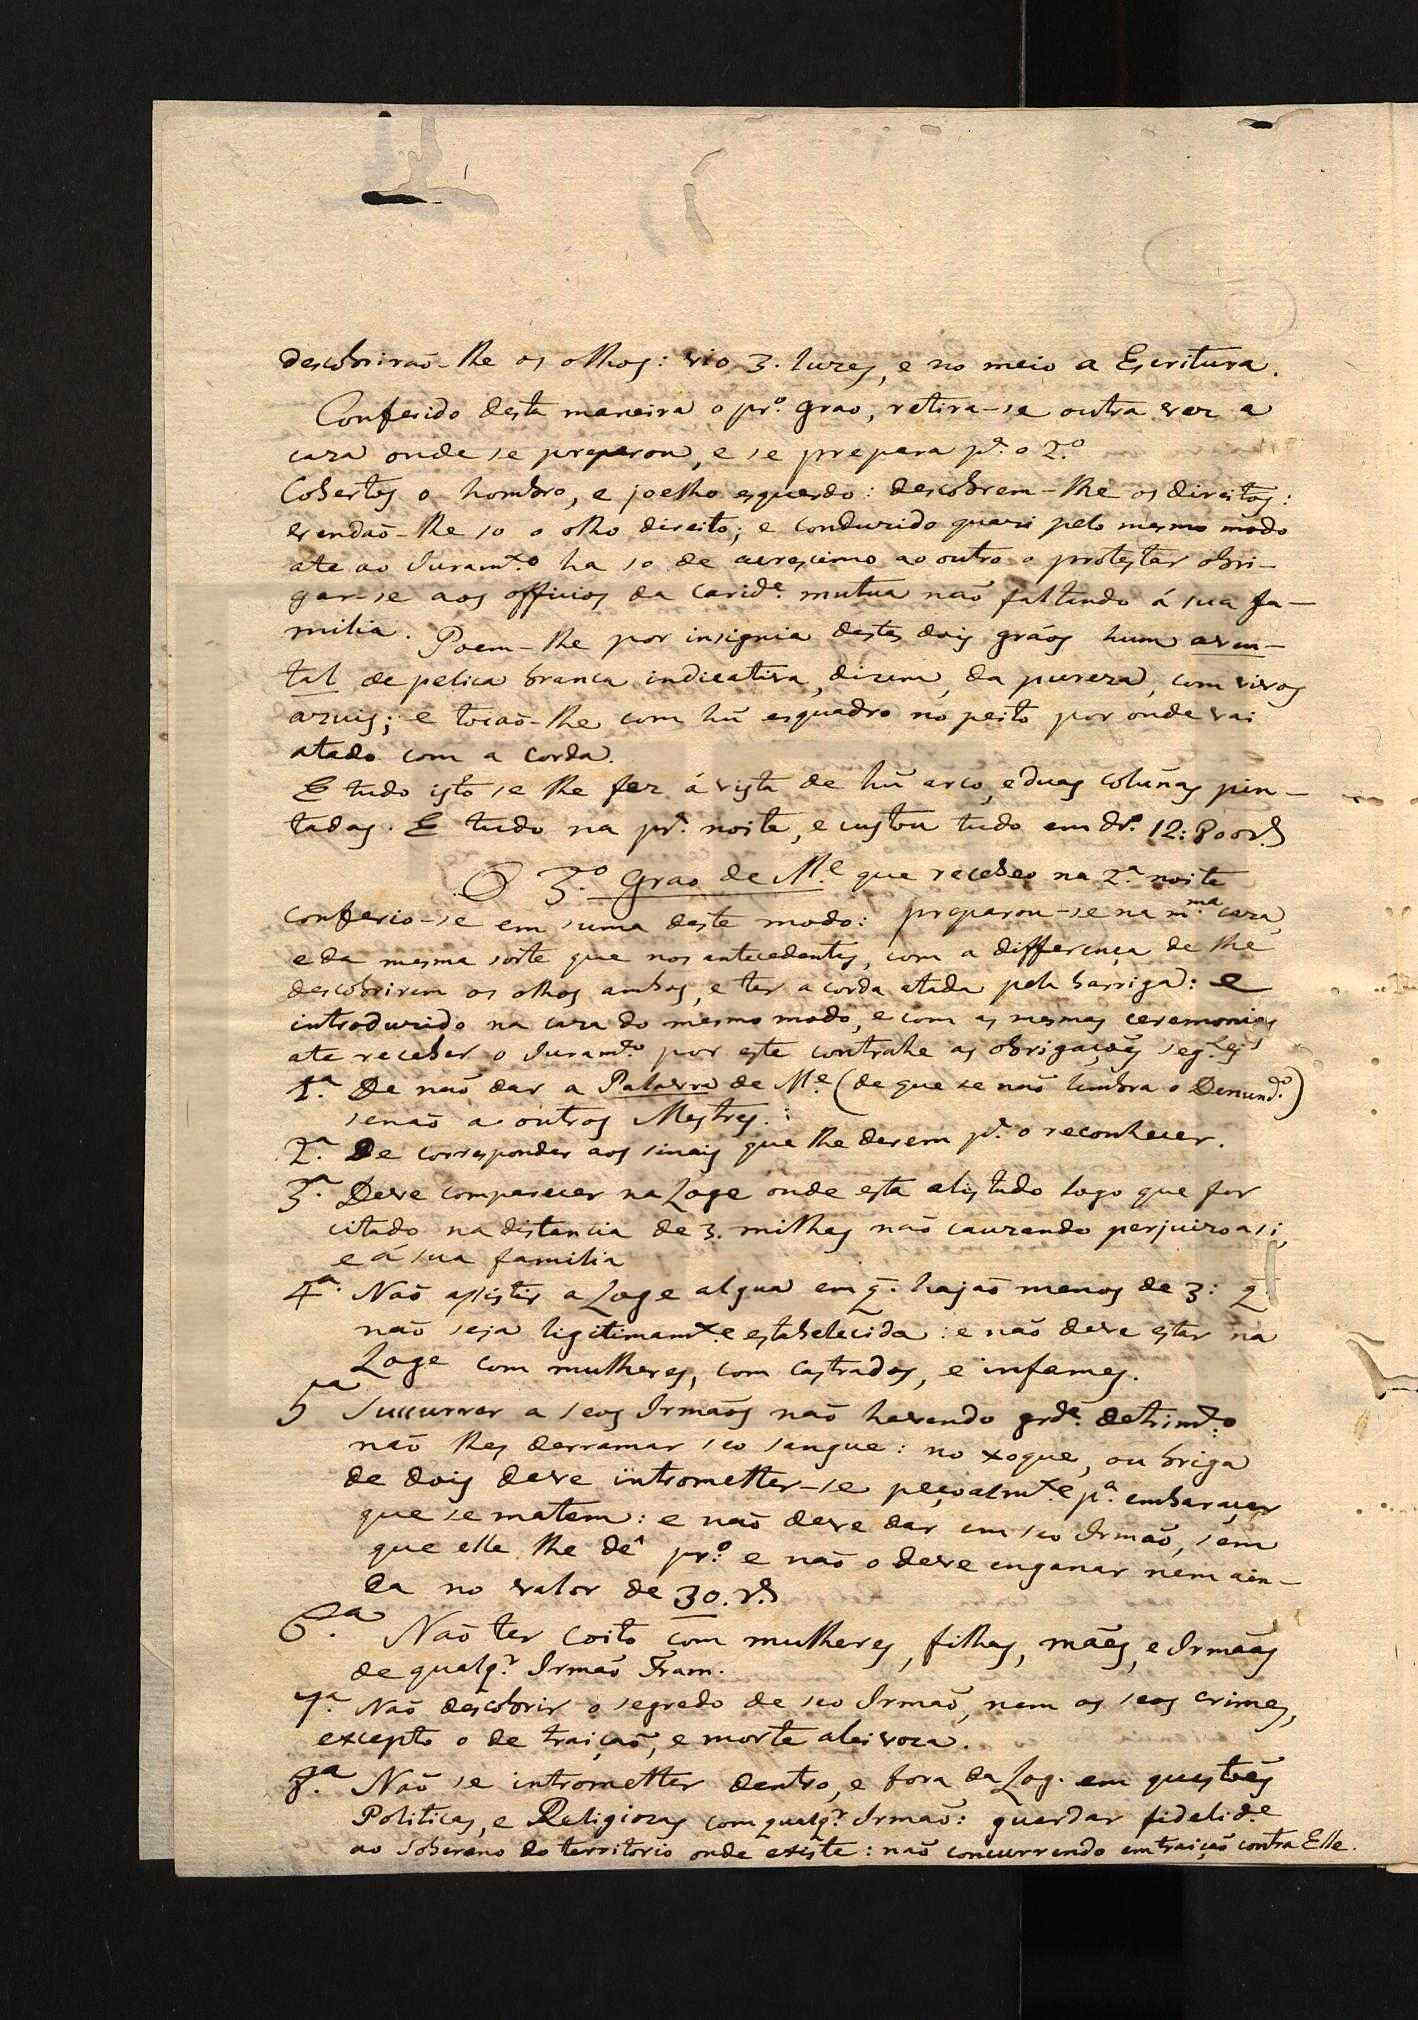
descobriraõ-lhe os olhos: vio 3. luzes, e no meio a Escritura.
Conferido deste maneira o pr.o grao, retira-se outra vez, a
caza onde se preparou, e se prepara p.a o 2.o
Cobertos o hombro, e joelho esquerdo: descobrem-lhe os direitos:
vendaõ-lhe so o olho direito; e conduzido quazi pelo mesmo modo
ate ao Iuramt.o ha so de acrescimo ao outro o protestar obri
gar-se aos officios da carid.e mutua naõ faltando á sua fa
milia. Poem lhe por insignia deste dois gráos hum aven
tal de pelica branca indicativa, dizem, da pureza, com vivos
azuis; e tocaõ-lhe com hū esquadro no peito por onde vai
atado com a corda.
E tudo isto se lhe fez a vista de hū arco, e duas colunas pin
tadas. E tudo na pr.a noite e custou tudo em dr.o 12:800 rs.
O 3.o Grao de M.e que recebeo na 2.a noite
conferio-se em suma deste modo: preparou-se na m.ma caza,
e da mesma sorte que nos antecedentes, com a differença de lhe
descobrirem os olhos ambos, e ter a corda atada pela barriga: e
introduzido na caza do mesmo modo, e com as mesmas ceremonias
ate receber o Iuram.to por este contrahe as obrigaçoẽs seg.tes
1.a de naõ dar a Palavra de M.e (de que se naõ lembra o Denund.o)
senaõ a outros Mestres:
2.a De corresponder aos sinais que lhe derem p.a o reconhecer.
3.o Deve comparecer na Loge onde esta alistado logo que for
citado na distancia de 3. milhas naõ cauzando perjuizo a si,
e á sua familia
4.a Naõ assistir a Loge alguā em q̄ hajaõ menos de 3: q̄
naõ seja ligitimam.te estabelecida; e naõ deve estar na
Loge com mulheres, com castrados, e infames.
5 Succurrer a seos Irmaõs naõ havendo gr.de detrim.to
naõ lhes derramar seo sengue: no xoque, ou briga
de dois deve intrometter-se peçoalm.te p.a embaraçar
que se matem: e naõ deve dar em seo Irmaõ, sem
que elle lhe dé pr.o e naõ o deve enganar nem ain
da no valor de 30. rs.
6.a Naõ ter coito com mulheres. filhas, maẽs, e Irmaãs
de qualq.r Irmaõ Fram.
7.a Naõ descobrir o segredo de seo Irmaõ, nem os seos crimes,
excepto o de traiçaõ, e morte aleivoza.
8.a Naõ se intrometter dentro, e fora da Log. em questoẽs
Politicas, e Religiozas com quelq.r Irmaõ: guardar fidelid.e
ao soberano do territorio onde existe: naõ concurrendo em traiçaõ contra Elle.
